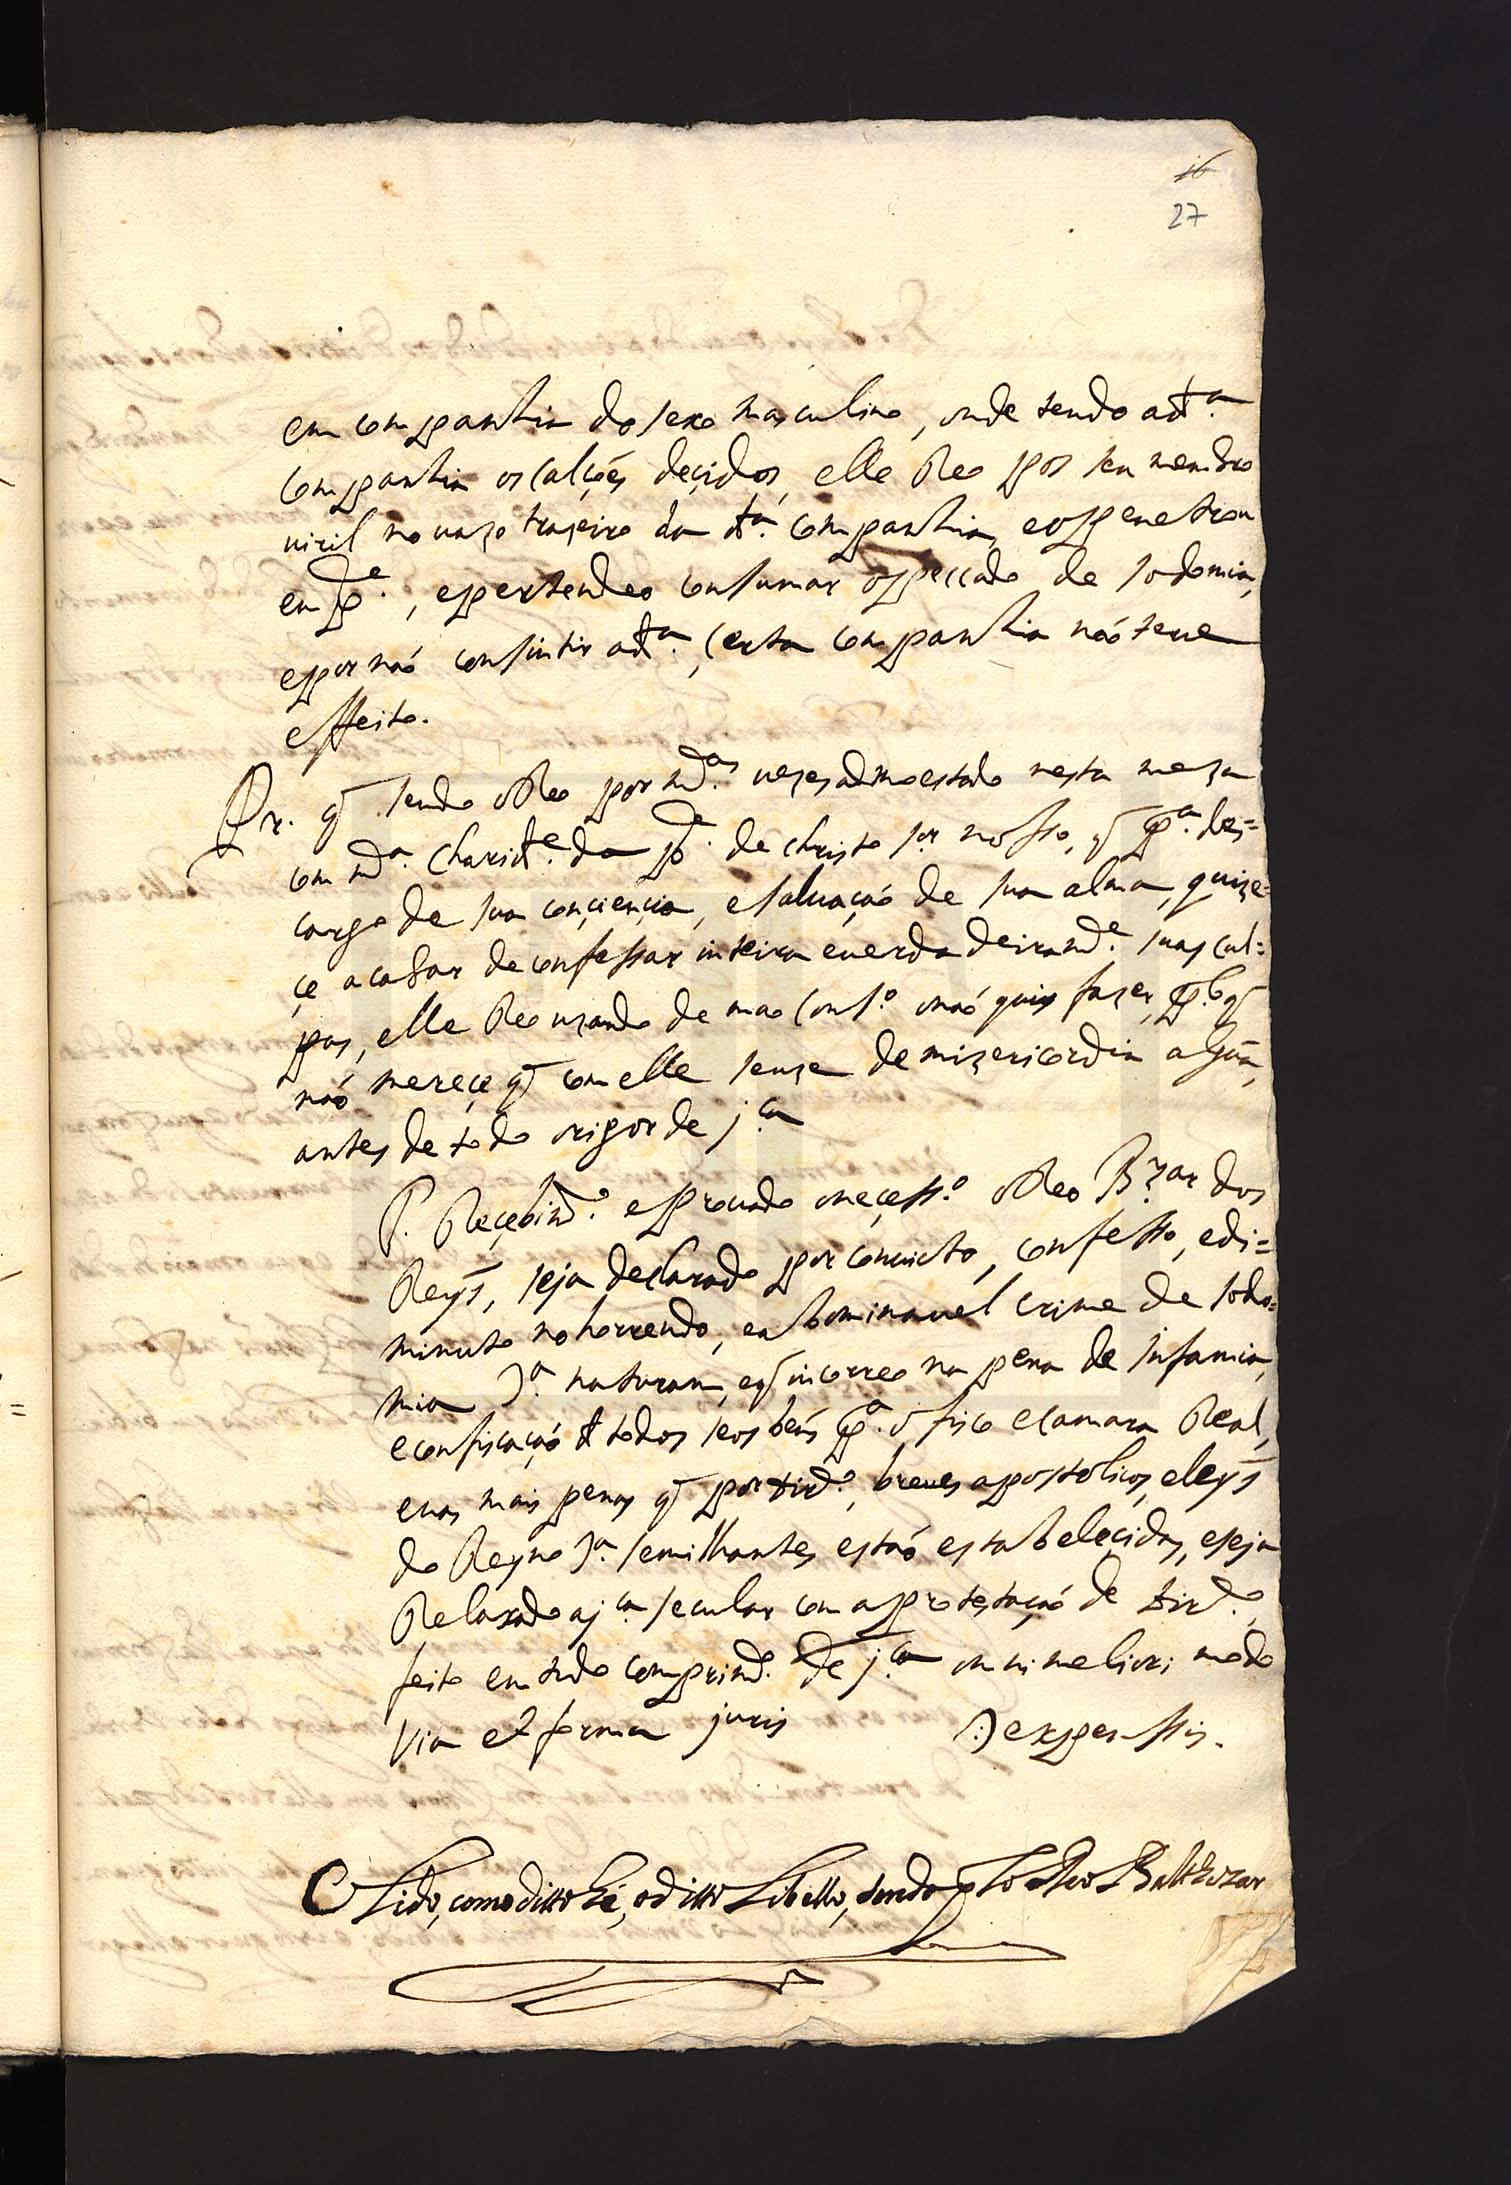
em companhia do sexo masculino, onde tendo a d̄.a
companhia os calçoẽs decidos, elle Reo pos seu membro
uiril no uazo trazeiro da d̄a companhia, e o penetrou
em p̄.e, e pertendeo consumar o peccado de sodomia,
e por naõ consintir a d̄a. certa companhia naõ teue
effeito.
Pr. q̄ sendo o Reo por m.tas uezes admoestado nesta meza
com m̄.a charid̄.e da p.te de christo s.or nosso, q̄ p.a des
cargo de sua conciencia, e saluaçaõ de sua alma, quize
ce acabar de confessar inteira e uerdadeiram.te suas cul
pas, elle Reo uzando de mao cons.o o naõ quis fazer, p.lo q̄
naõ mereçe q̄ com elle se uze de mizericordia alguā
antes de todo o rigor de j.ca
P. Recebim.o e prouado o necess.o o Reo B.zar dos
Reys, seja declarado por conuicto, confesso, e di
minuto no horrendo, e abominauel crime de sodo
mia ꝯ.a naturam, e q̄ incorreo na pena de Infamia
e confiscaçaõ d̄ todos seos bens p.a o fisco e Camara Real
e nas mais penas q̄ por dir̄.o, breues apostolicos e leys
do Reyno ꝯ.a semilhantes estaõ estabelecidas, e seja
Relaxado a j.ca secular com a protestaçaõ de Dir.to,
feito em todo comprim.to de j.ca omni melior; modo
via et forma juris
experssis
E Lido como ditto he o ditto Libello, sendo plo Reo Balthezar
